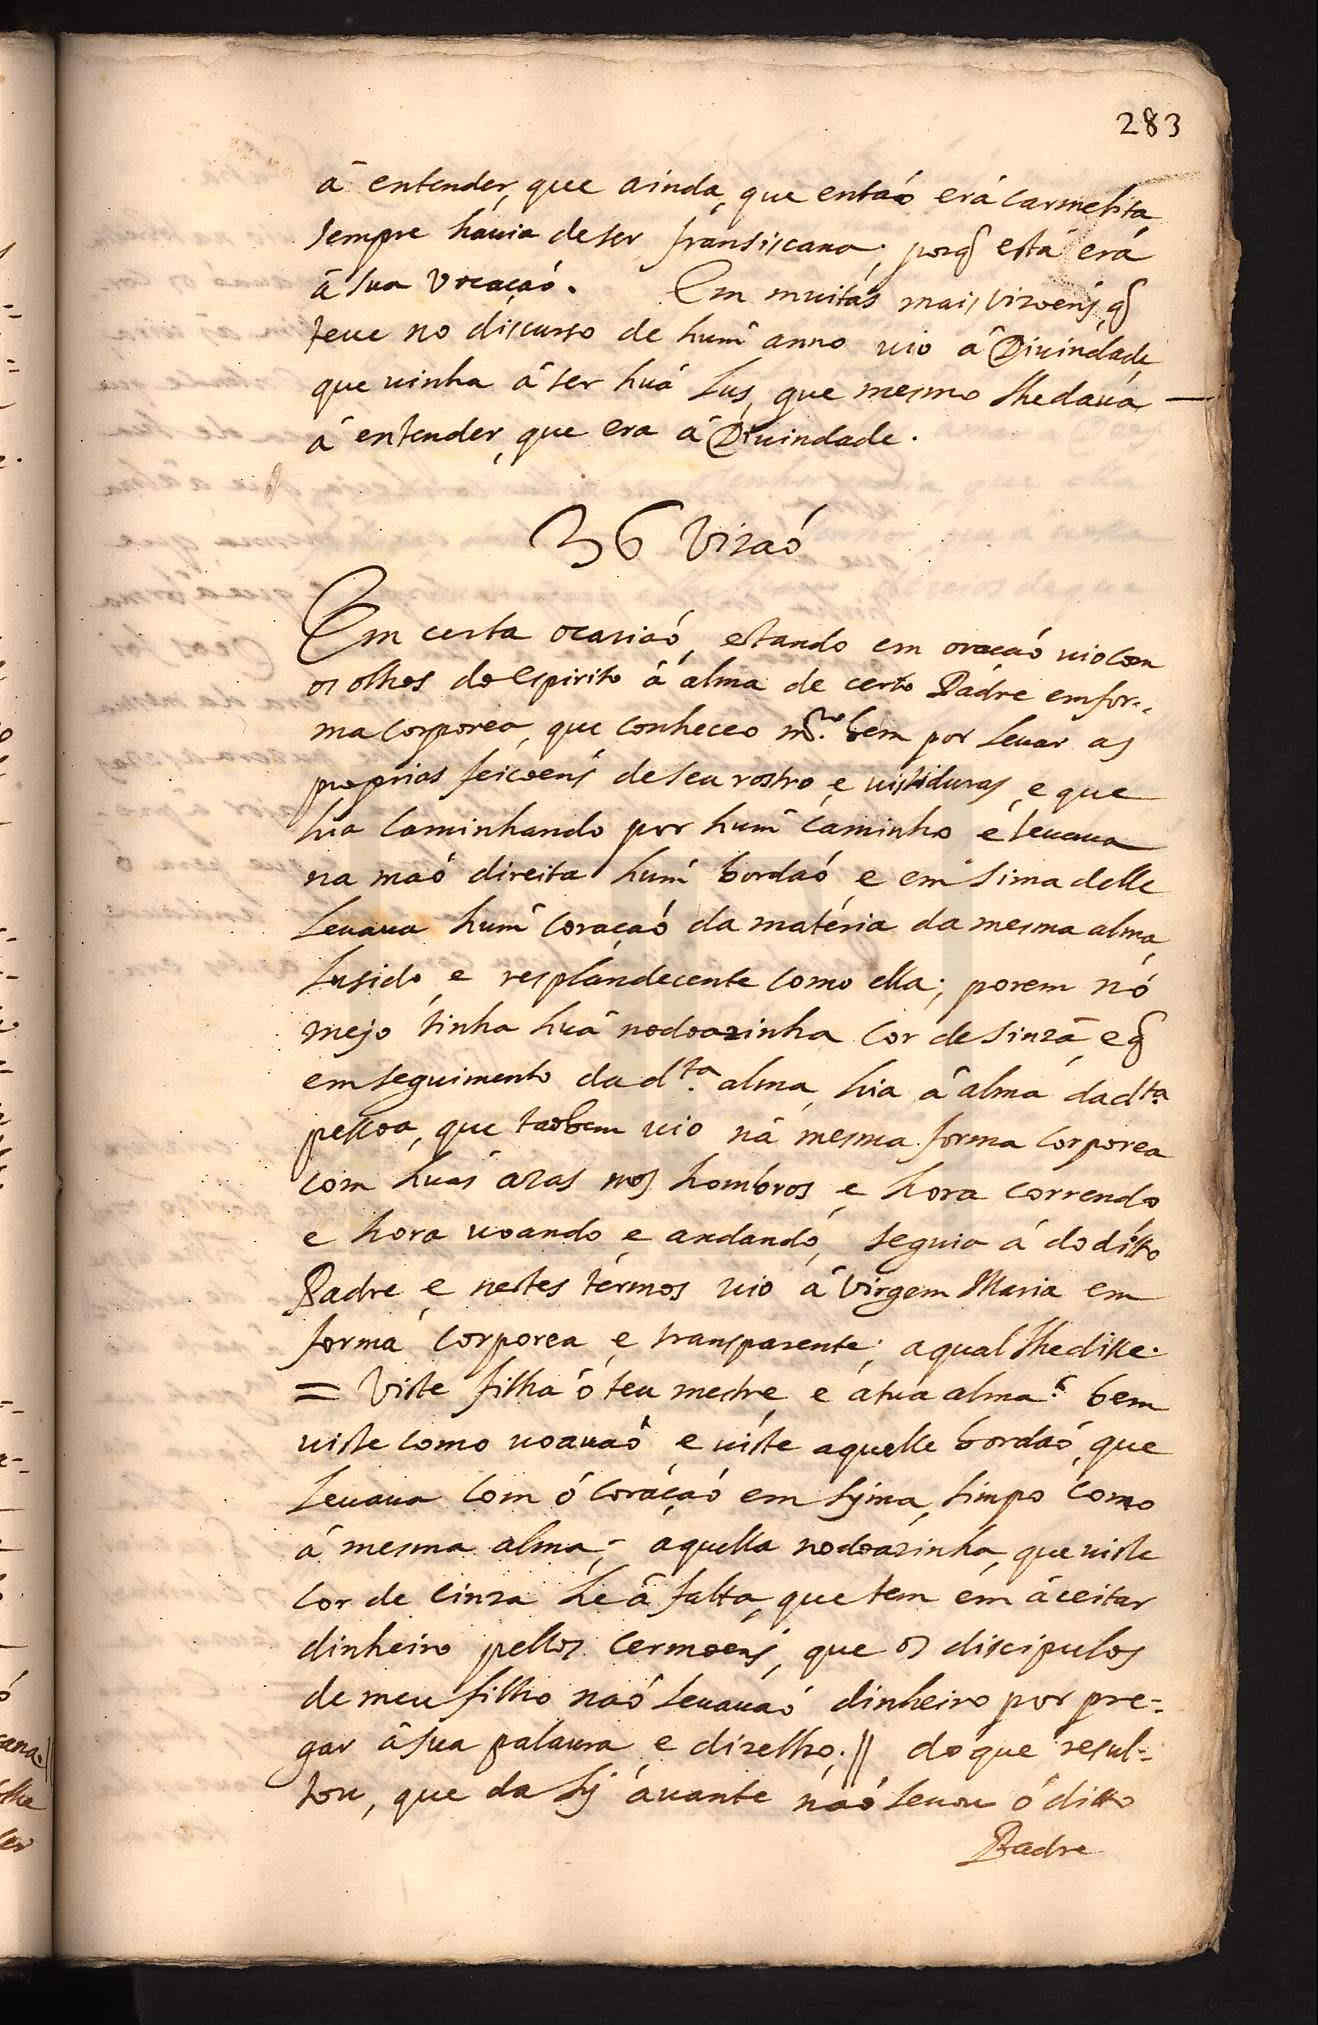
283
á entender, que ainda, que entaõ era carmelita,
sempre hauia de ser fransiscana; porq̄ esta era
á sua vocaçaõ. Em muitas mais vizoens, q̄
teue no discurso de hum anno uio á Diuindade
que uinha á ser huā Lus, que mesmo lhe daua
á entender que era á Diuindade.
36 Vizaõ
Em certa ocaziaõ, estando em oraçaõ uio com
os olhos do espirito á alma de certo Padre em for
ma corporea, que conheceo m.to bem por leuar as
proprias feiçoens de seu rostro, e uistiduras, e que
hia Caminhando por hum caminho e leuaua
na maõ direita hum bordaõ, e emsima delle
Leuaua hum coraçaõ da materia da mesma alma,
lusido, e resplandecente como ella; porem nó
mejo tinha huā nodoazinha cor de sinza, e q̄
em seguimento da dt.a alma, hia a alma da dt.a
pessoa, que taobem uio ná mesma forma corporea
com huās azas nos hombros, e hora correndo
e hora uoando e andando seguia á do ditto
Padre, e nestes térmos vio á Virgem Maria em
forma corporea, e transparente, a qual lhe disse
= Viste filha ó teu mestre, e a tua alma? bem
uiste como uoauaõ, e uiste aquelle bordaõ, que
Leuaua com ó coraçaõ em syma, limpo como
á mesma alma, aquella nodoazinha, que uiste
cor de cinza he á falta, que tem em áceitar
dinheiro pellos cermoens, que os discipulos
de meu filho naõ leuauaõ dinheiro por pre
gar á sua palaura, e dizelho; // do que resul
tou, que dahy áuante naõ leuou o ditto
Padre
